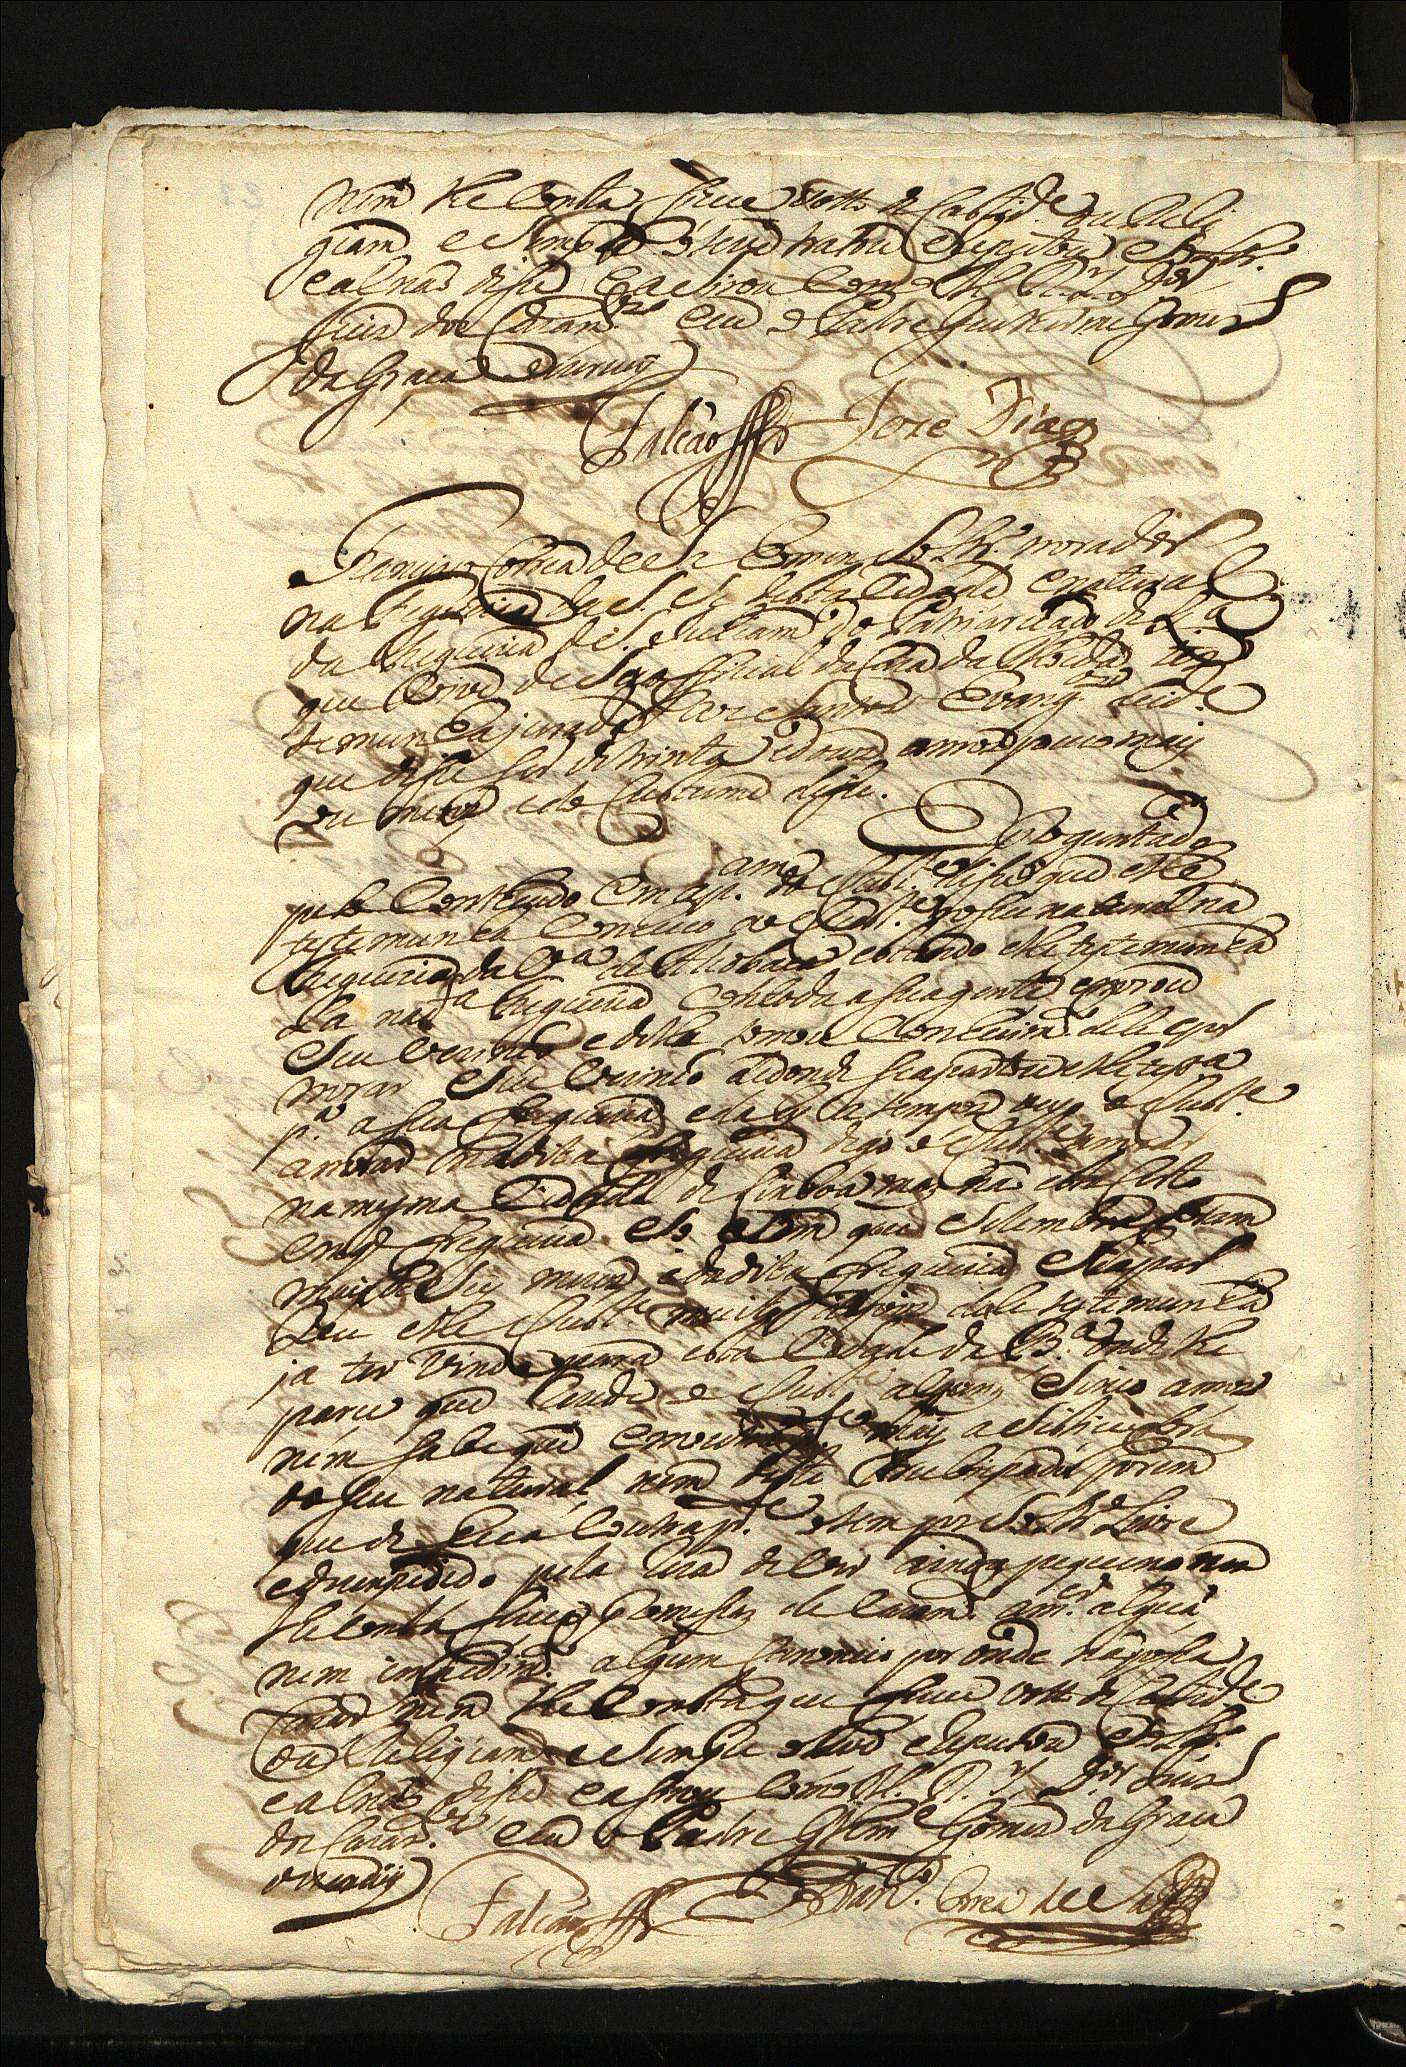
nem lhe consta fizeçe votto de Castid.e ou Reli
giam e Sempre o teve tratou e Reputou SoLtr.o
e al não disse e aSinou com o M R. S. D.or
Juiz dos Cazam.toz e eu o Padre Guilherme Gomez
da Graça escrevy
Francisco Correa de Sa homen Soltr.o morador
na Freguezia da S. Se desta Cidade e natural
da Freguezia de S. Iuliam do Patriarchado de Lx.a
que Vive de Ser official da Caza da Moeda tes
temunha jurada aos Santoz Evang.oz de id.e
que disse ser de trinta e douz annoz pouco mais
ou menoz, e do Costume disse.
E proguntado
pelo Contheudo em a p.am do Iust.e disse que elle
testemunha conheceo ao Iust.e no seu natural na
Freguezia de Va de Alcobaca estando elle testemunha
La na d̄a Freguesia con toda a sua gente, e morou
Seu Vesinho e della tomou conhecim.to dele e por
morar Seu Visinho de donde se apartou elle testa
p.a a sua freguezia, e dahy a tempoz veyo o Iust.e
a morar na dita freguesia digo o Iust.e a morar
na mesma Cidade de Lixboa mas não esta Certo
em q̄ freguesia So sim que Se lembra foram
mais de Seis meses, e da dita freguesia Se apar
tou elle Iust.e muito depoiz dele testemunha
ja ter vindo para esta Cidade da B.a; onde lhe
pareçe que Rezide o Iust.e alguns Sinco annoz
nem sabe que em outr__e mais aSistiçe fora
do seu natural, nem deste Arcebispado porem
que de hua e outra p.te o tem por Soltr.o Livre
e desinpedido pela Rezā de Vir ainda pequeno nem
he consta fizeçe promessas de Cazam.to a m.er alguā,
nem empedim.to algum Canonico por onde nā possa
Cazar nem lhe Consta que fizece votto de Castid.e
ou Religiam e Sempre o teve e Reputou Soltr.o
e al naõ disse e assinou com o M. R. S. D.or Juiz
doz Cazam.tos e eu o Padre Glhm.e Gomez da Graça
o escrevy
